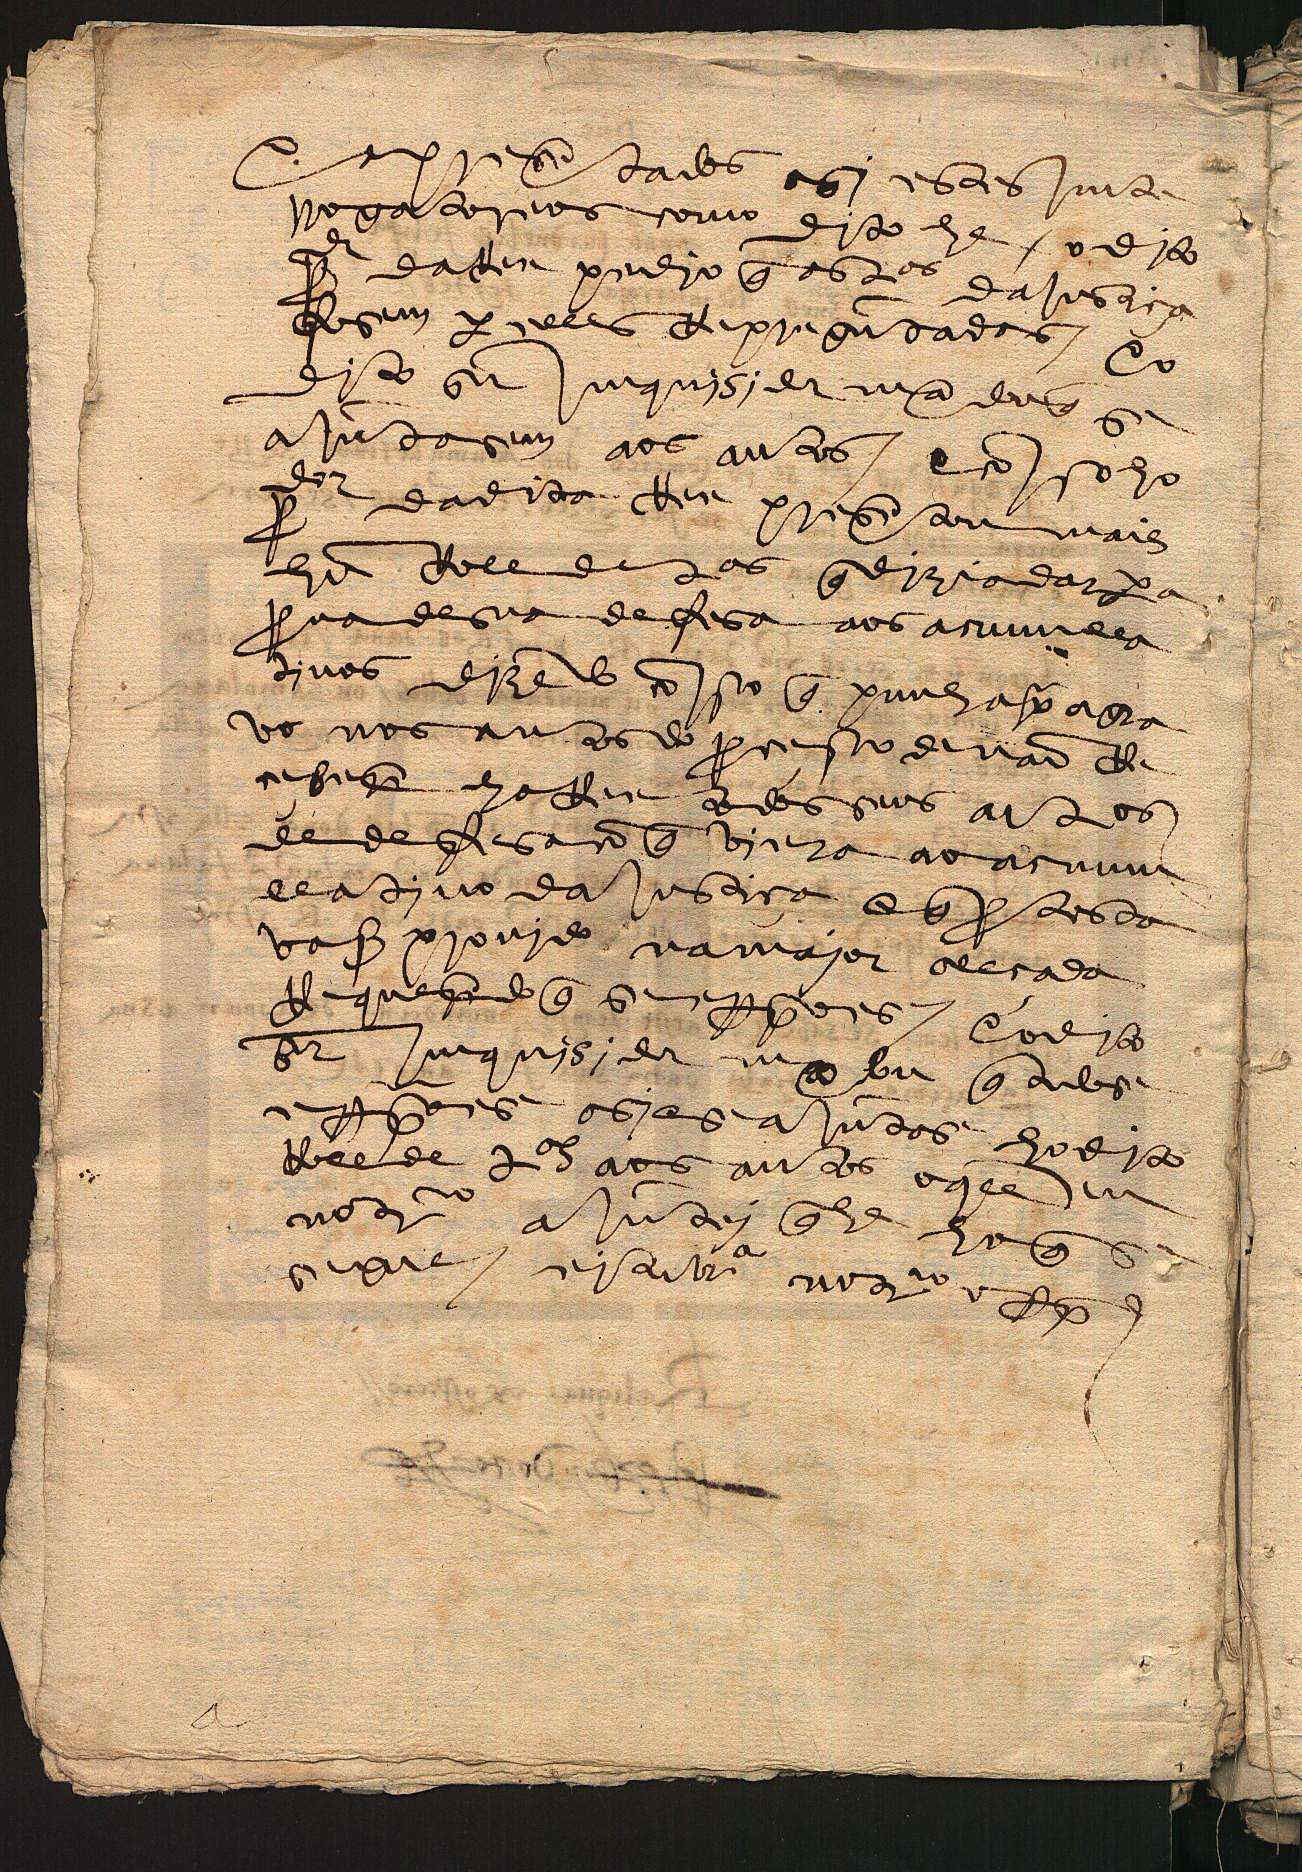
e apresētados asj estes Jmte
rrogatoreos como djto he / o djto
ꝓdor da Ree pedjo q̄ as tas da Justiça
fosem ꝑ elles Repregūtadas / e o
djto sōr Jmqujsjdor mādou q̄ se
aJūtasem aos autos / e c̄o Jso ho
ꝓdor da dita Ree presētou mais
hū Roll de tas q̄ djzia dar ꝑa
ꝓua de sua defesa aos acumulla
tjuos djzēdo c̄o Jso q̄ punha p̄ agra
vo nos autos do ꝓçesso de não Re
çeberē ha Ree todos seus artos
de defesa cō q̄ vjera ao acumu
llatjuo da Justiça e q̄ ꝓtesta
va ꞩ proujdo na major allçada
Requerēdo q̄ se estp̄vese / e o djto
Sōr Jmqujsjdor mādou q̄ tudo se
estp̄vese asj e se aJūtase ho djto
Roll de tas aos autos o q̄ll eu
notrro aJūtej q̄ he ho q̄ se
segue / ejtor vra notrro o stp̄
